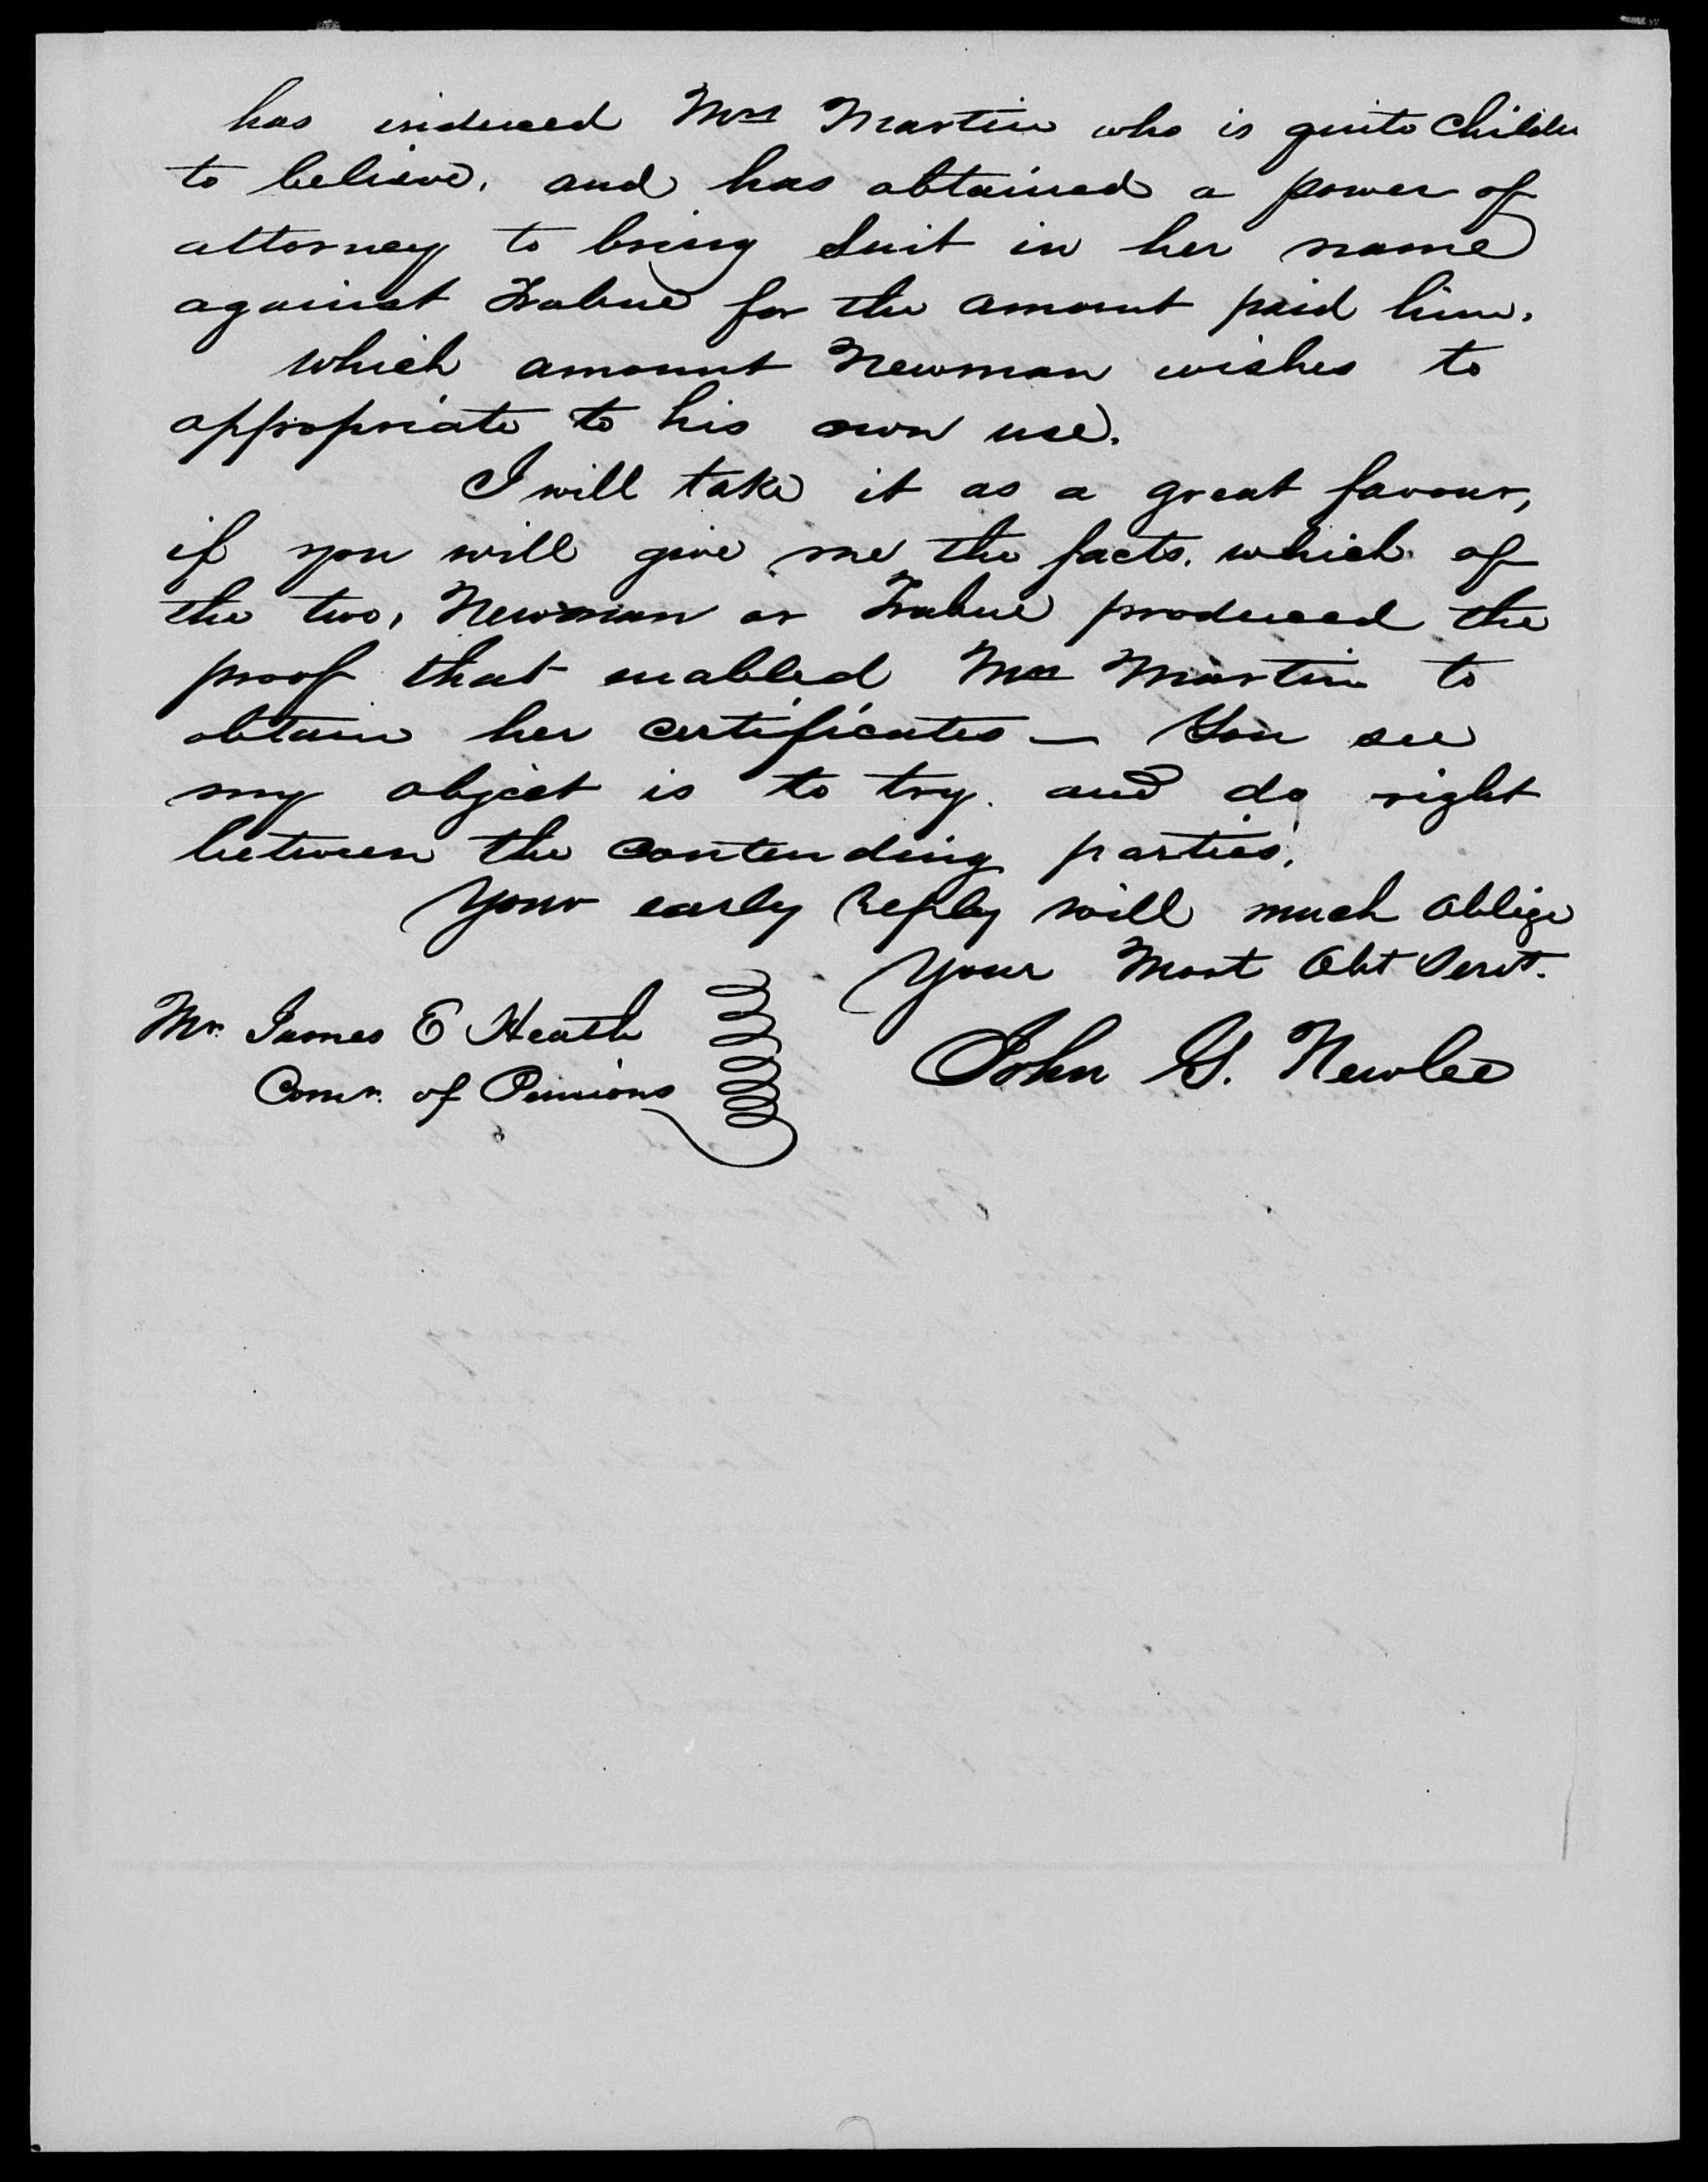has induced Mrs Martin who is quite child[illegible]
to believe, and has obtained a power of
attorney to bring Suit in her name
against Trabue for the amount paid him,
which amount Newman wishes to
appropriate to his own use.
I will take it as a great favour [favor],
if you will give me the facts which of
two, Newman or Trabue produced the
proof that enabled Mrs Martin to
obtain her certificates. You see
my object is to try and do right 
between the contending parties.
Your early reply will much oblige
Your Most Obt Servt.
John G. Newlee

Mr. James E Heath
Comm of Pensions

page: 96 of 120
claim: widow's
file: W. 1044, for Salathiel Martin, North Carolina